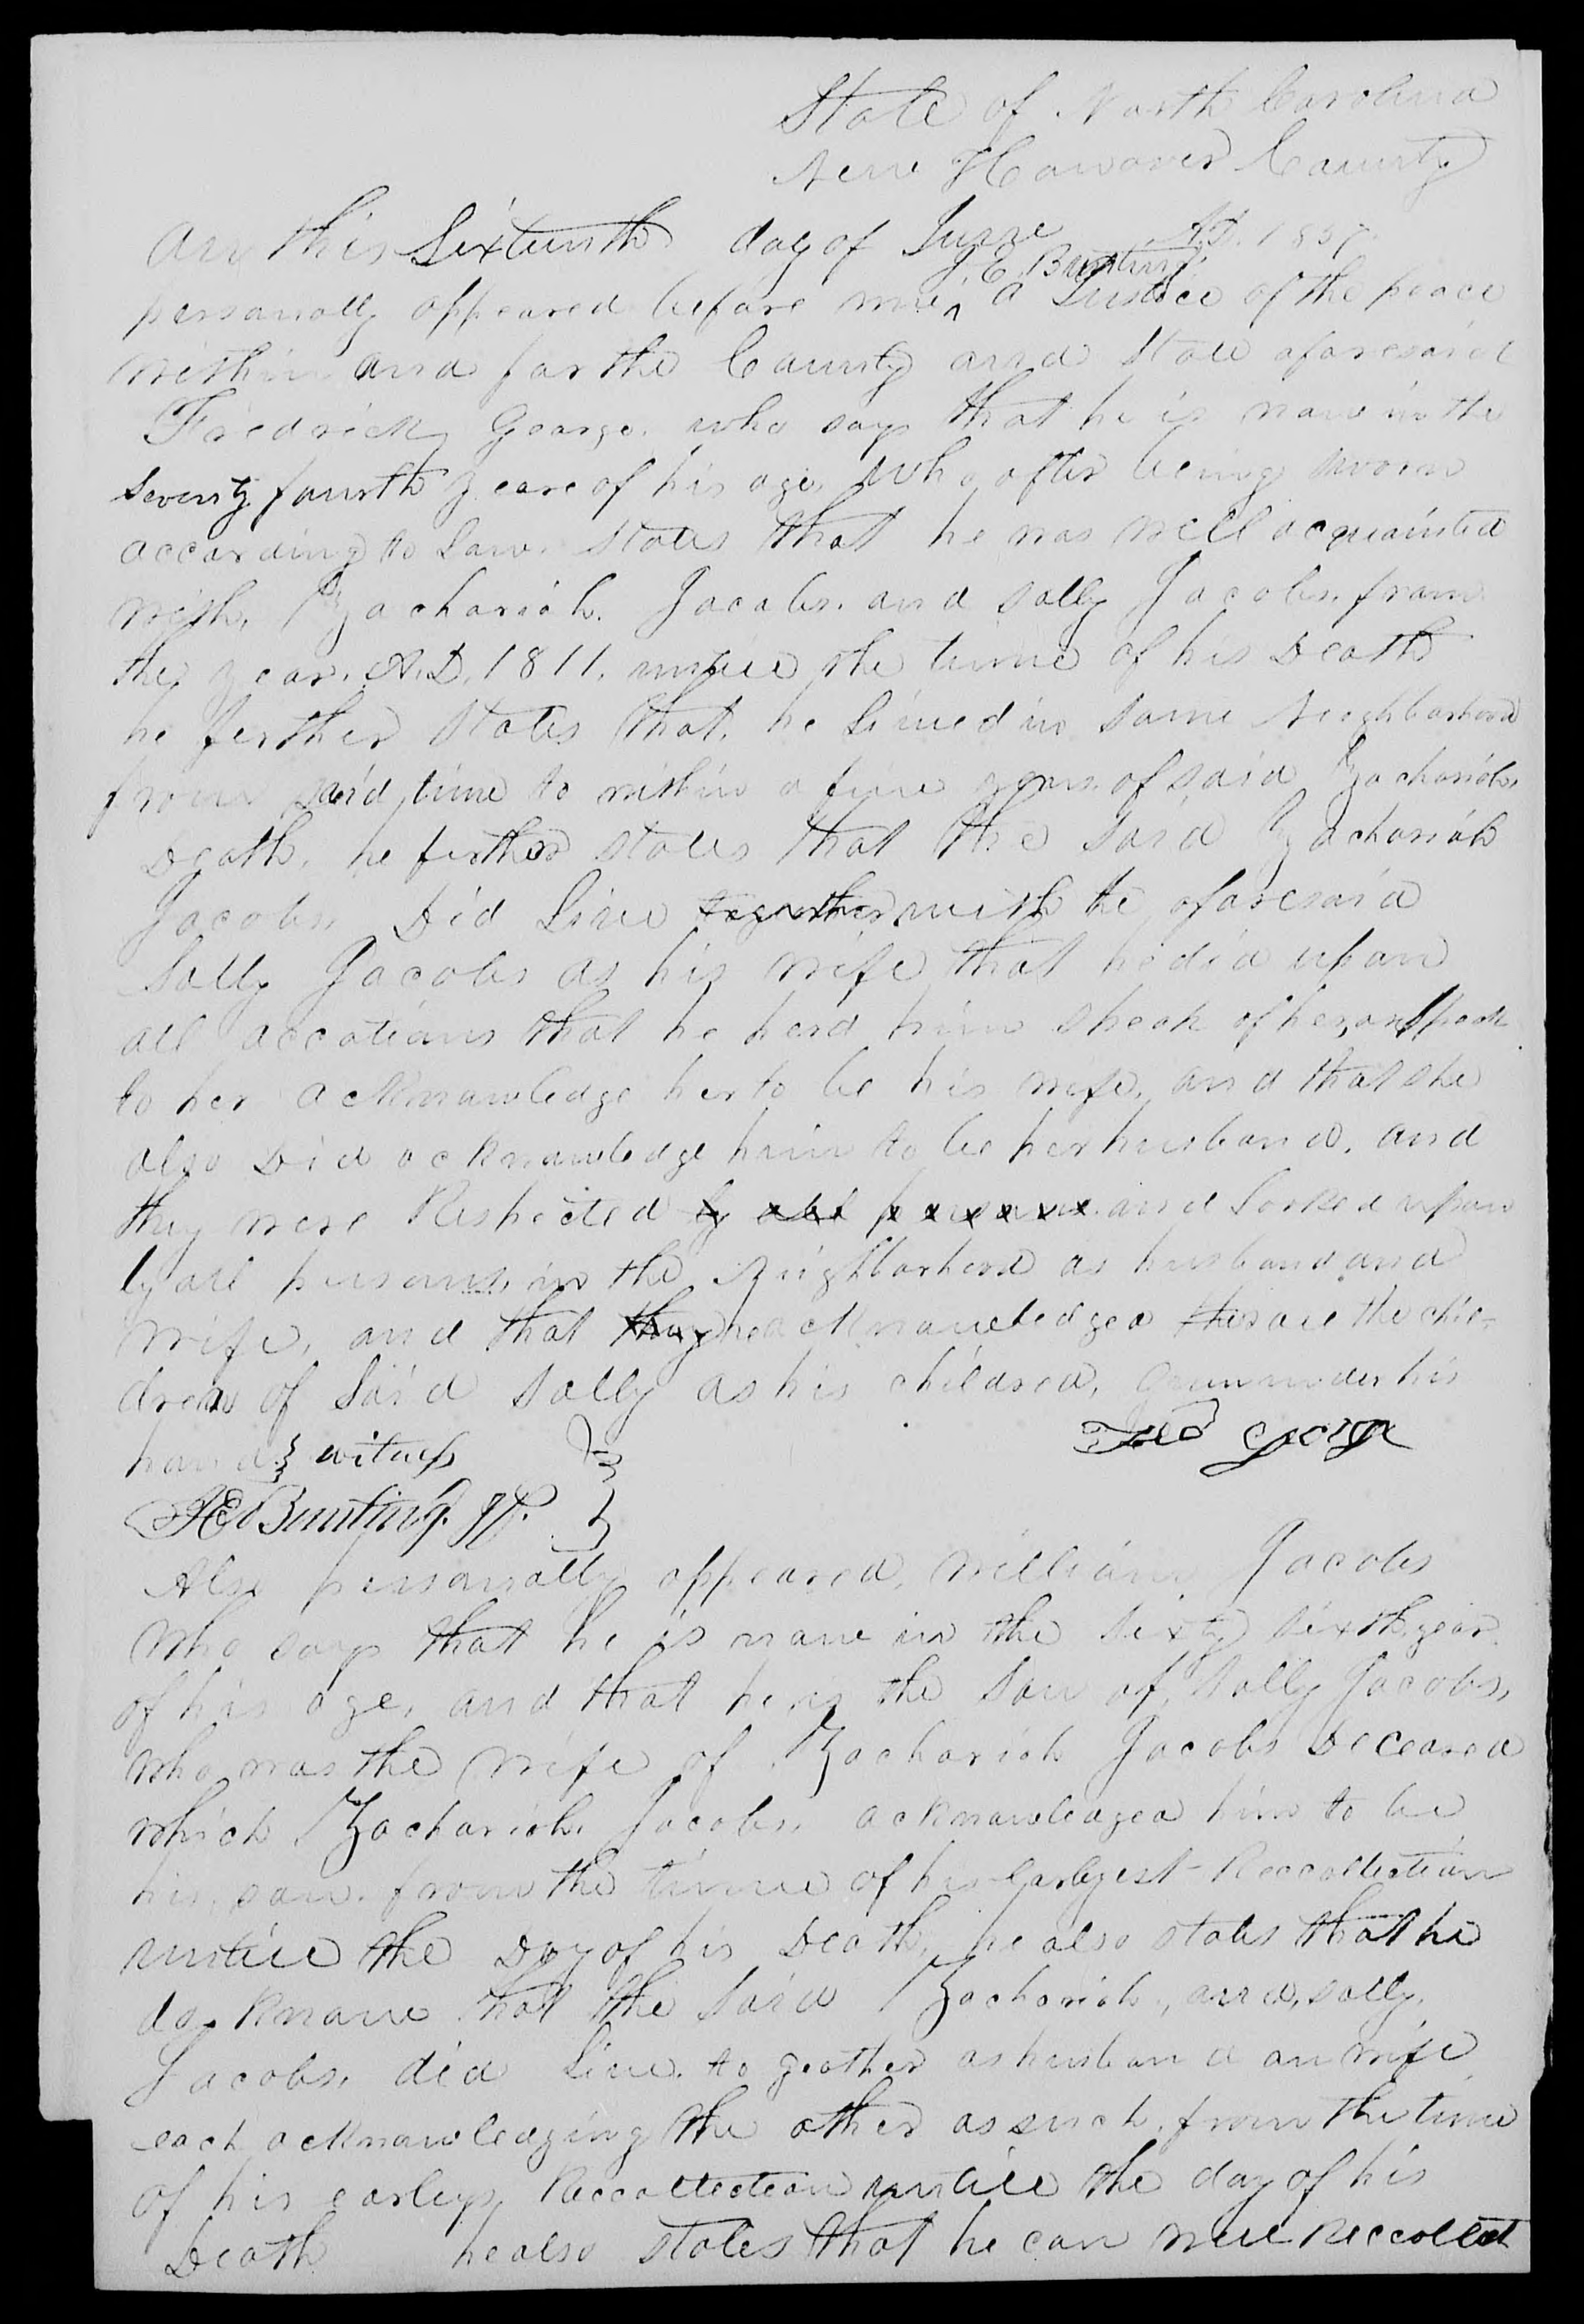State of North Carolina
                              New Hanover County
On this Sixteenth day of June A.D. 1857 personally appeared before me [the name "J.E.Bunting" is inserted from above] J.E. Bunting a Justice of the peace within and for the County and State aforesaid Fredrick George, who says that he is now in the seventy fourth year of his age who after being sworn according to Law States that he was well acquainted with Zachariah Jacobs and Sally jacobs from the year A.D. 1811 until the time of his Death  he further States  that he lived in the Same Neighborhood from said time to within a five years of said Zachariahs Death, he further states that the said Zacariah Jacobs Did Live[crossout] with the aforesaid Sally Jacobs as his wife that he did upon all accations that he herd him speak of her, and look[?] to her acknowledge her to be his wife, and that she also did acknowledge him to be her husband.  and they were Respected [crossout] and looked upon by all persons in the neighborhood as husband and wife, and that [crossout] he acknowledged these are the children of Said Sally as his children,
given under his hand
                  [Signature] Fred George

Witness}
[Signature] H Bunting JP}
Also personally appeared William Jacobs who says that he is now in the sixty sixth year of his age, and that he is the Son of Sally Jacobs, who was the wife of Zachariah Jacobs Deceased which Zachariah jacobs acknowledged him to be his son from the time of his earlyest Recollection untill the Day of his Death he also states that he do know that the Said Zachariah and sally Jacobs, did live to geather as husband an wife each acknowledging the other as such from the time of his early Recollection untill the day of his Death   he also states that he can well Recollect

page: 18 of 40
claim: widow's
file: W. 5304, for Zachariah Jacobs, North Carolina